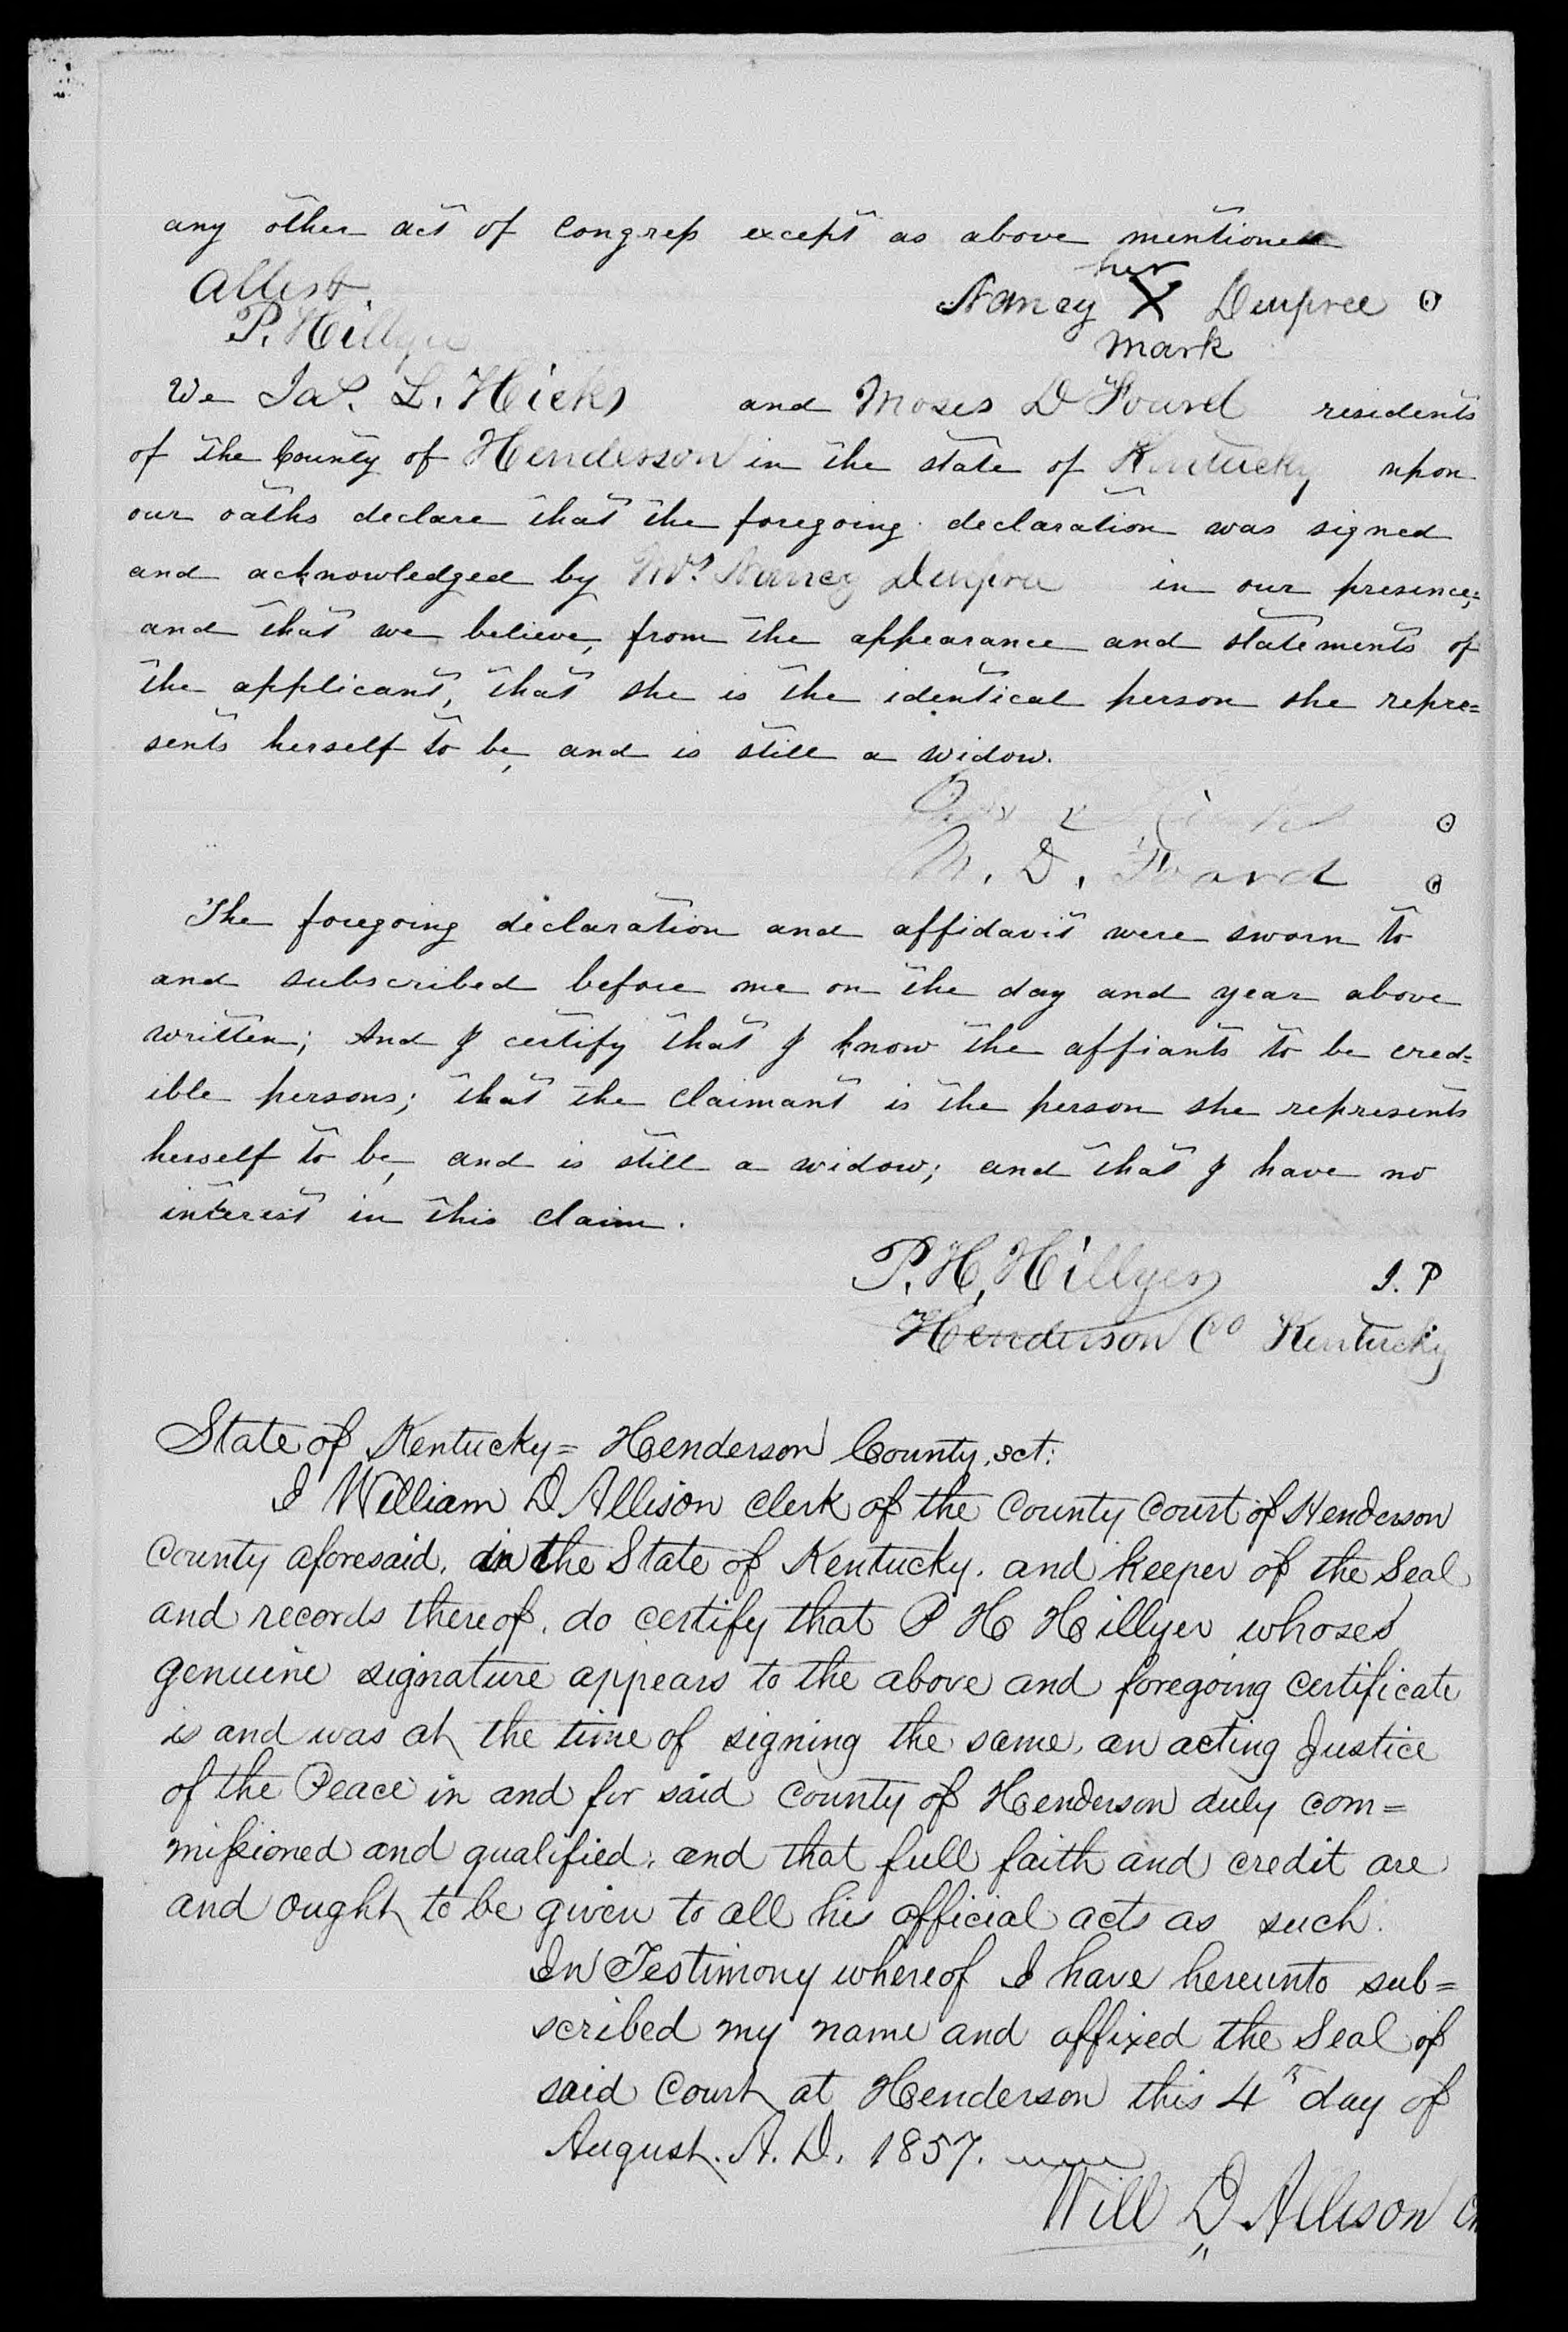any other act of Congress except as above mentioned
allest, P. Hillyer Nancy her X mark Dupree

We Jas. L. Hicks and Moses D Foard residents of the County of Henderson in the state of Kentucky, [illegible] our oaths declared that the foregoing declaration was signed and acknowledged by Mrs. Nancy Dupree in our presences and that we believe, from the appearance and statements of the applicant, that she is the identical person she represents herself to be, and is still a widow
J. L. Hicks
M. D. Foard

The foregoing declaration and affidavits were sworn to and subscribed before me on the day and year above written; and I certify that I know the affidavits to be credible persons; that the claimant is the person she represents herself to be, and is still a widow; and that I have no interest in this claim.
P. H. Hillyer J.P
Henderson Co Kentucky

State of Kentucky = Henderson County, sct:
I William D. Allison clerk of the County Court of Henderson County aforesaid, in the State of Kentucky, and keeper of the Seal and records thereof, do certify that P H Hillyer, whose genuine signature appears to the above and foregoing certificate is and was at the time of signing the same, an acting Justice of the Peace in and for said County of Henderson duly commisioned and qualified, and that full faith and credit are and ought to be given to all his official act as such. In Testimony whereof I have hereunto subscribed my name and affixed the Seal of said Court at Henderson this 4th day of August. A.D. 1857
Will D. Allison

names: P Hillyer, Nancy Deupree, Will D Allison, William D Allison, P H Hillyer, Jas L Hicks, Jas L Hicks, M D Foard, Moses D Foard, P H Hillyer, Nancy Deupree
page: 4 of 8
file: B. L. Rej. 281092-1855, William Dupree, Va.